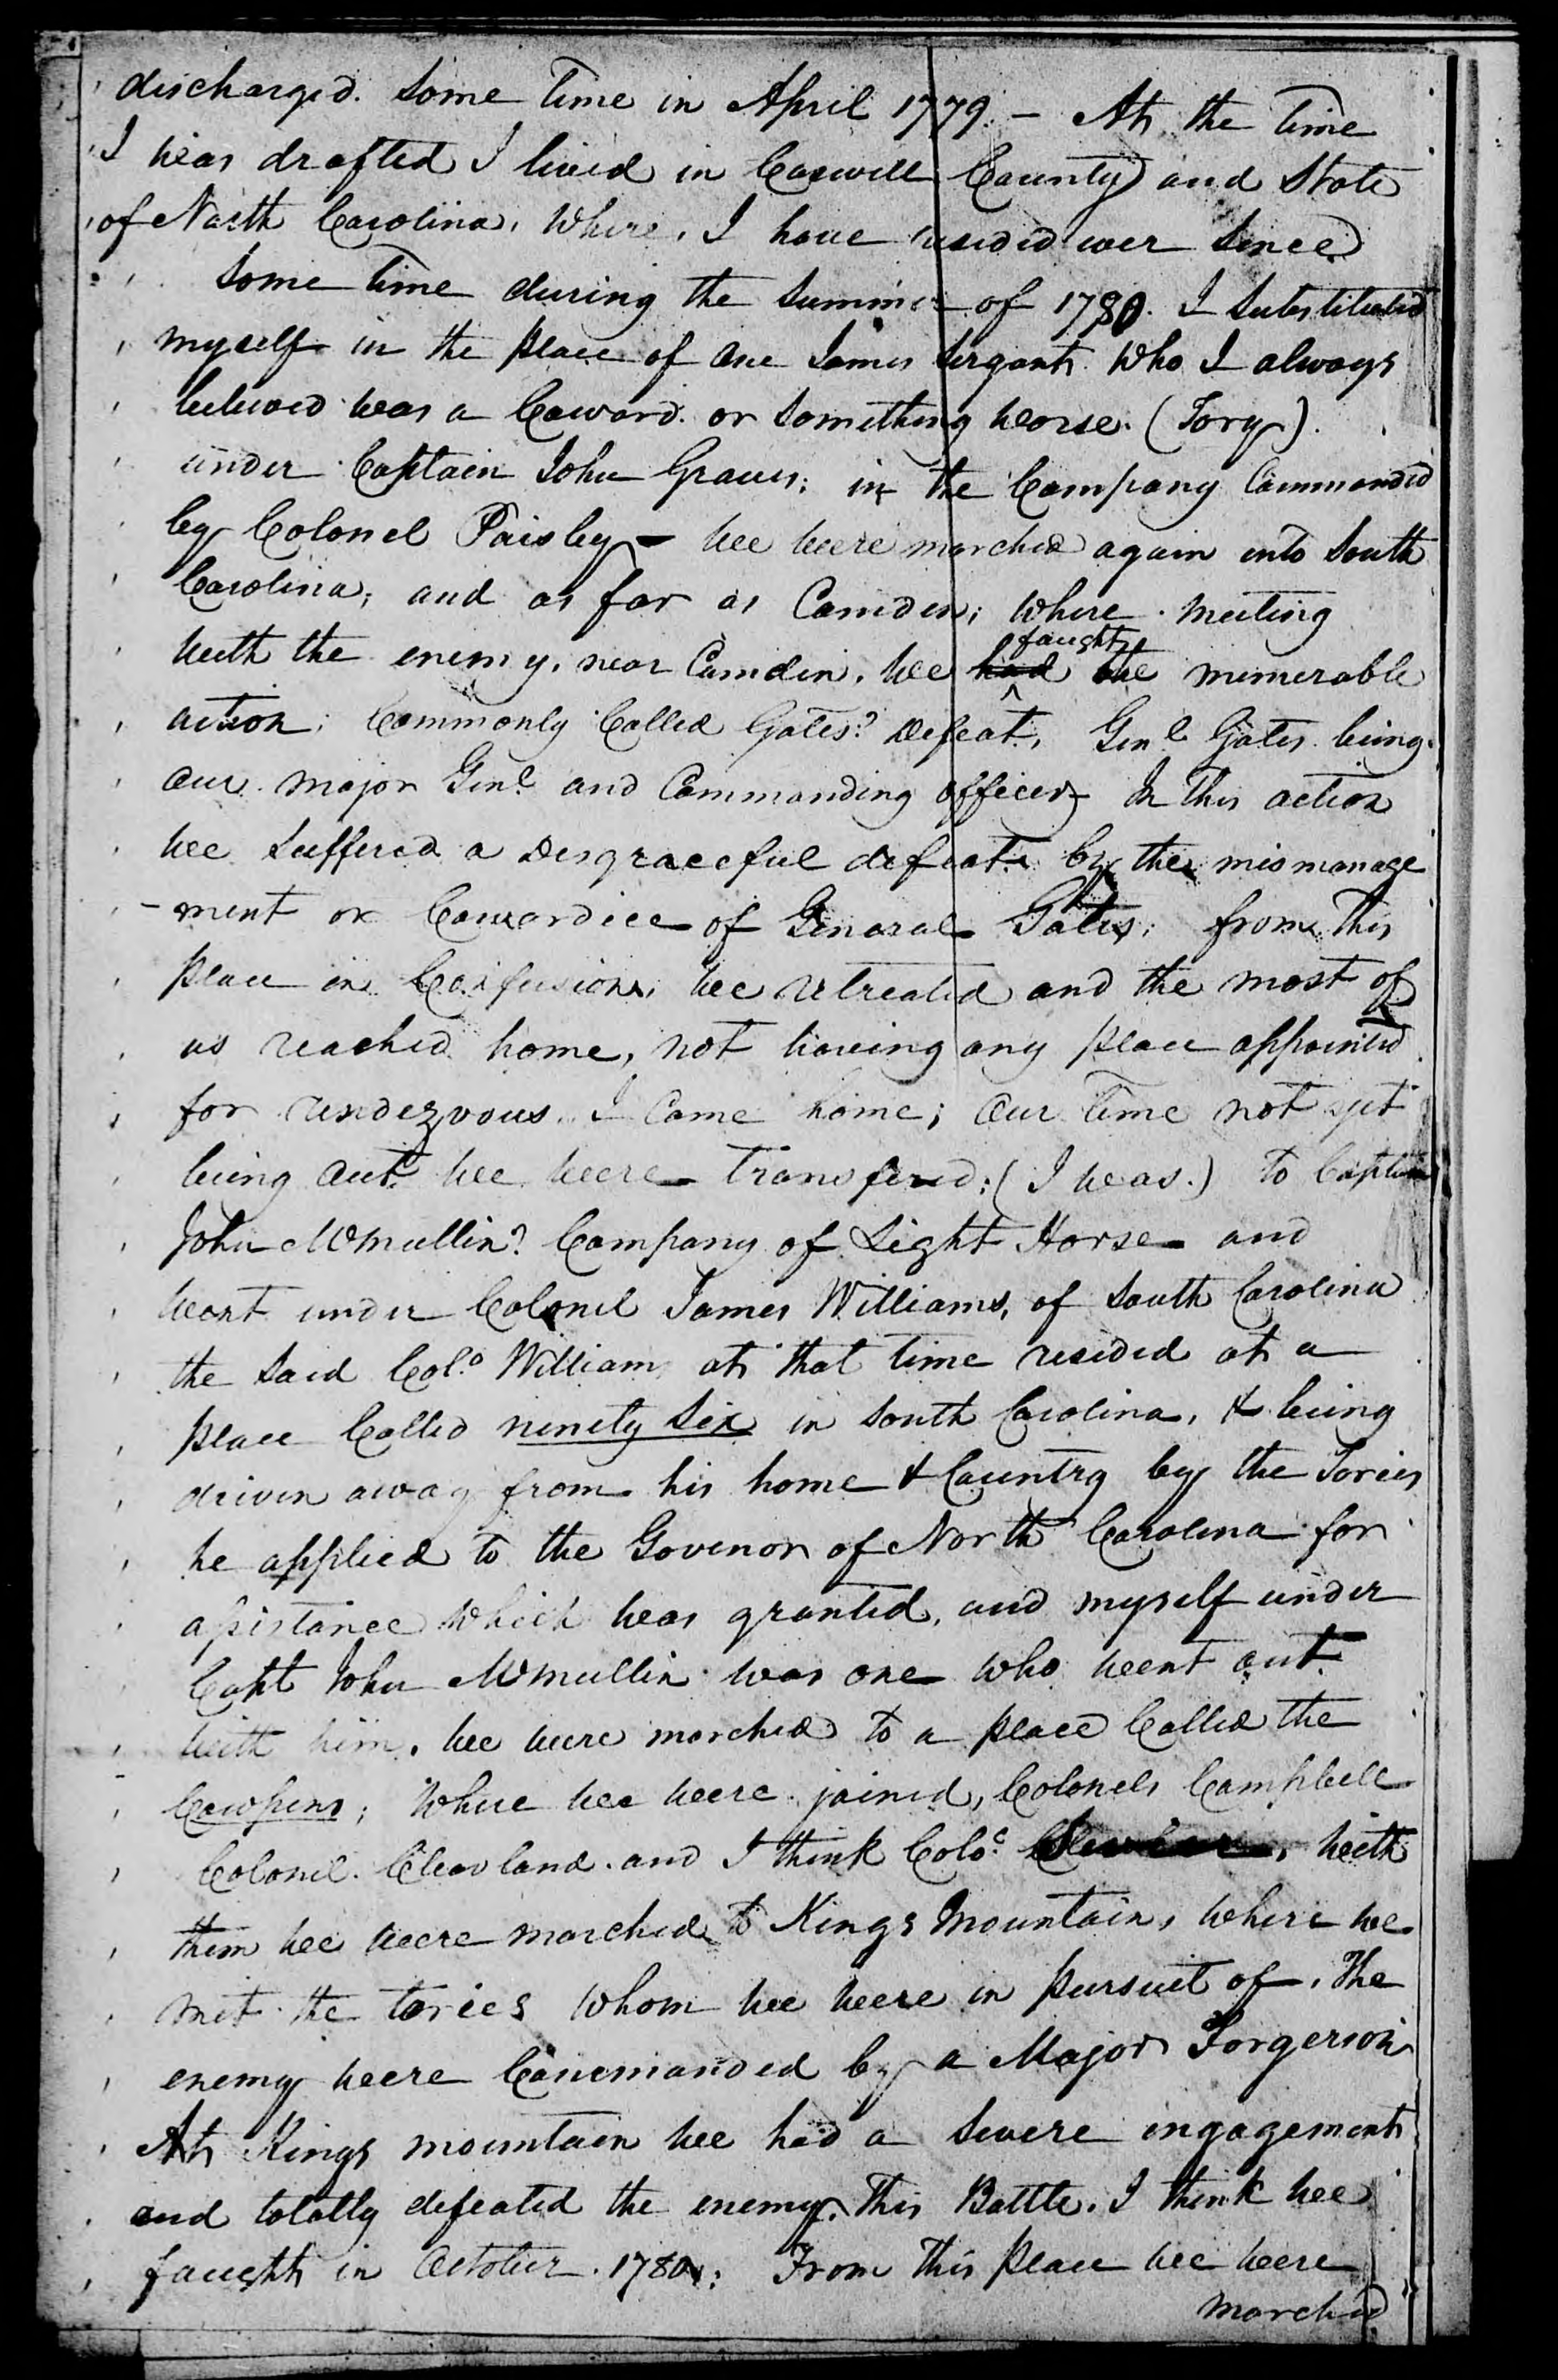discharged sometime in April 1779 - At the time I was drafted I lived in Caswell County and State of North Carolina, where I have resided since. 

Sometime during the Summer of 1780, I substituted myself in the place of one James 
Sergant who I always believed was a Coward or something worse (Tory) under Captain John 
Graves, in the Company Commanded by Colonel Paisley - we were marched again into South Carolina, and as far as Camden, where meeting with the enemy, near Camden, we fought the memorable action commonly called Gates' Defeat. Genl. Gates being our Maj. Genl and Commanding officer. In this action we suffered a disgraceful defeat by the mismanagement or Cowardice of General Gates. From this place in confusion we retreated and the most of us reached home not having any place appointed for rendezvous. I came home, our time not yet 
being out, we were transferred (I hear) to Captain John McMullin's Company of Light Horse and went under Colonel James Williams, of South Carolina. The Said Colo. Williams at that time resided at a place called Ninety Six in South Carolina. Being driven away from his 
home & Country by the Tories he applied to the Governor of North Carolina for assistance 
which was granted, and myself under Capt. John McMullin was one who went out with him. We were marched to a place called the Cowpens, where we were joined Colonels Campbell Colonel Cleveland and I think Colo. Sevier with them we were marched to King's Mountain where we met the Tories whom we 
were in pursuit of. The enemy were Commanded by a Major Ferguson. At 
Kings Mountain we had a severe engagement  and totally defeated the enemy. This Battle I think we fought in October 1780. From this place we were marched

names: Forgerson, Sevier, Campbell, Cleavland, Gates, James Williams, Gates, Paisley, John Graves, John Mc Mullin, Gates, William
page: 6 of 29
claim: survivor's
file: S. 6830, Elisha Evans, N.C.